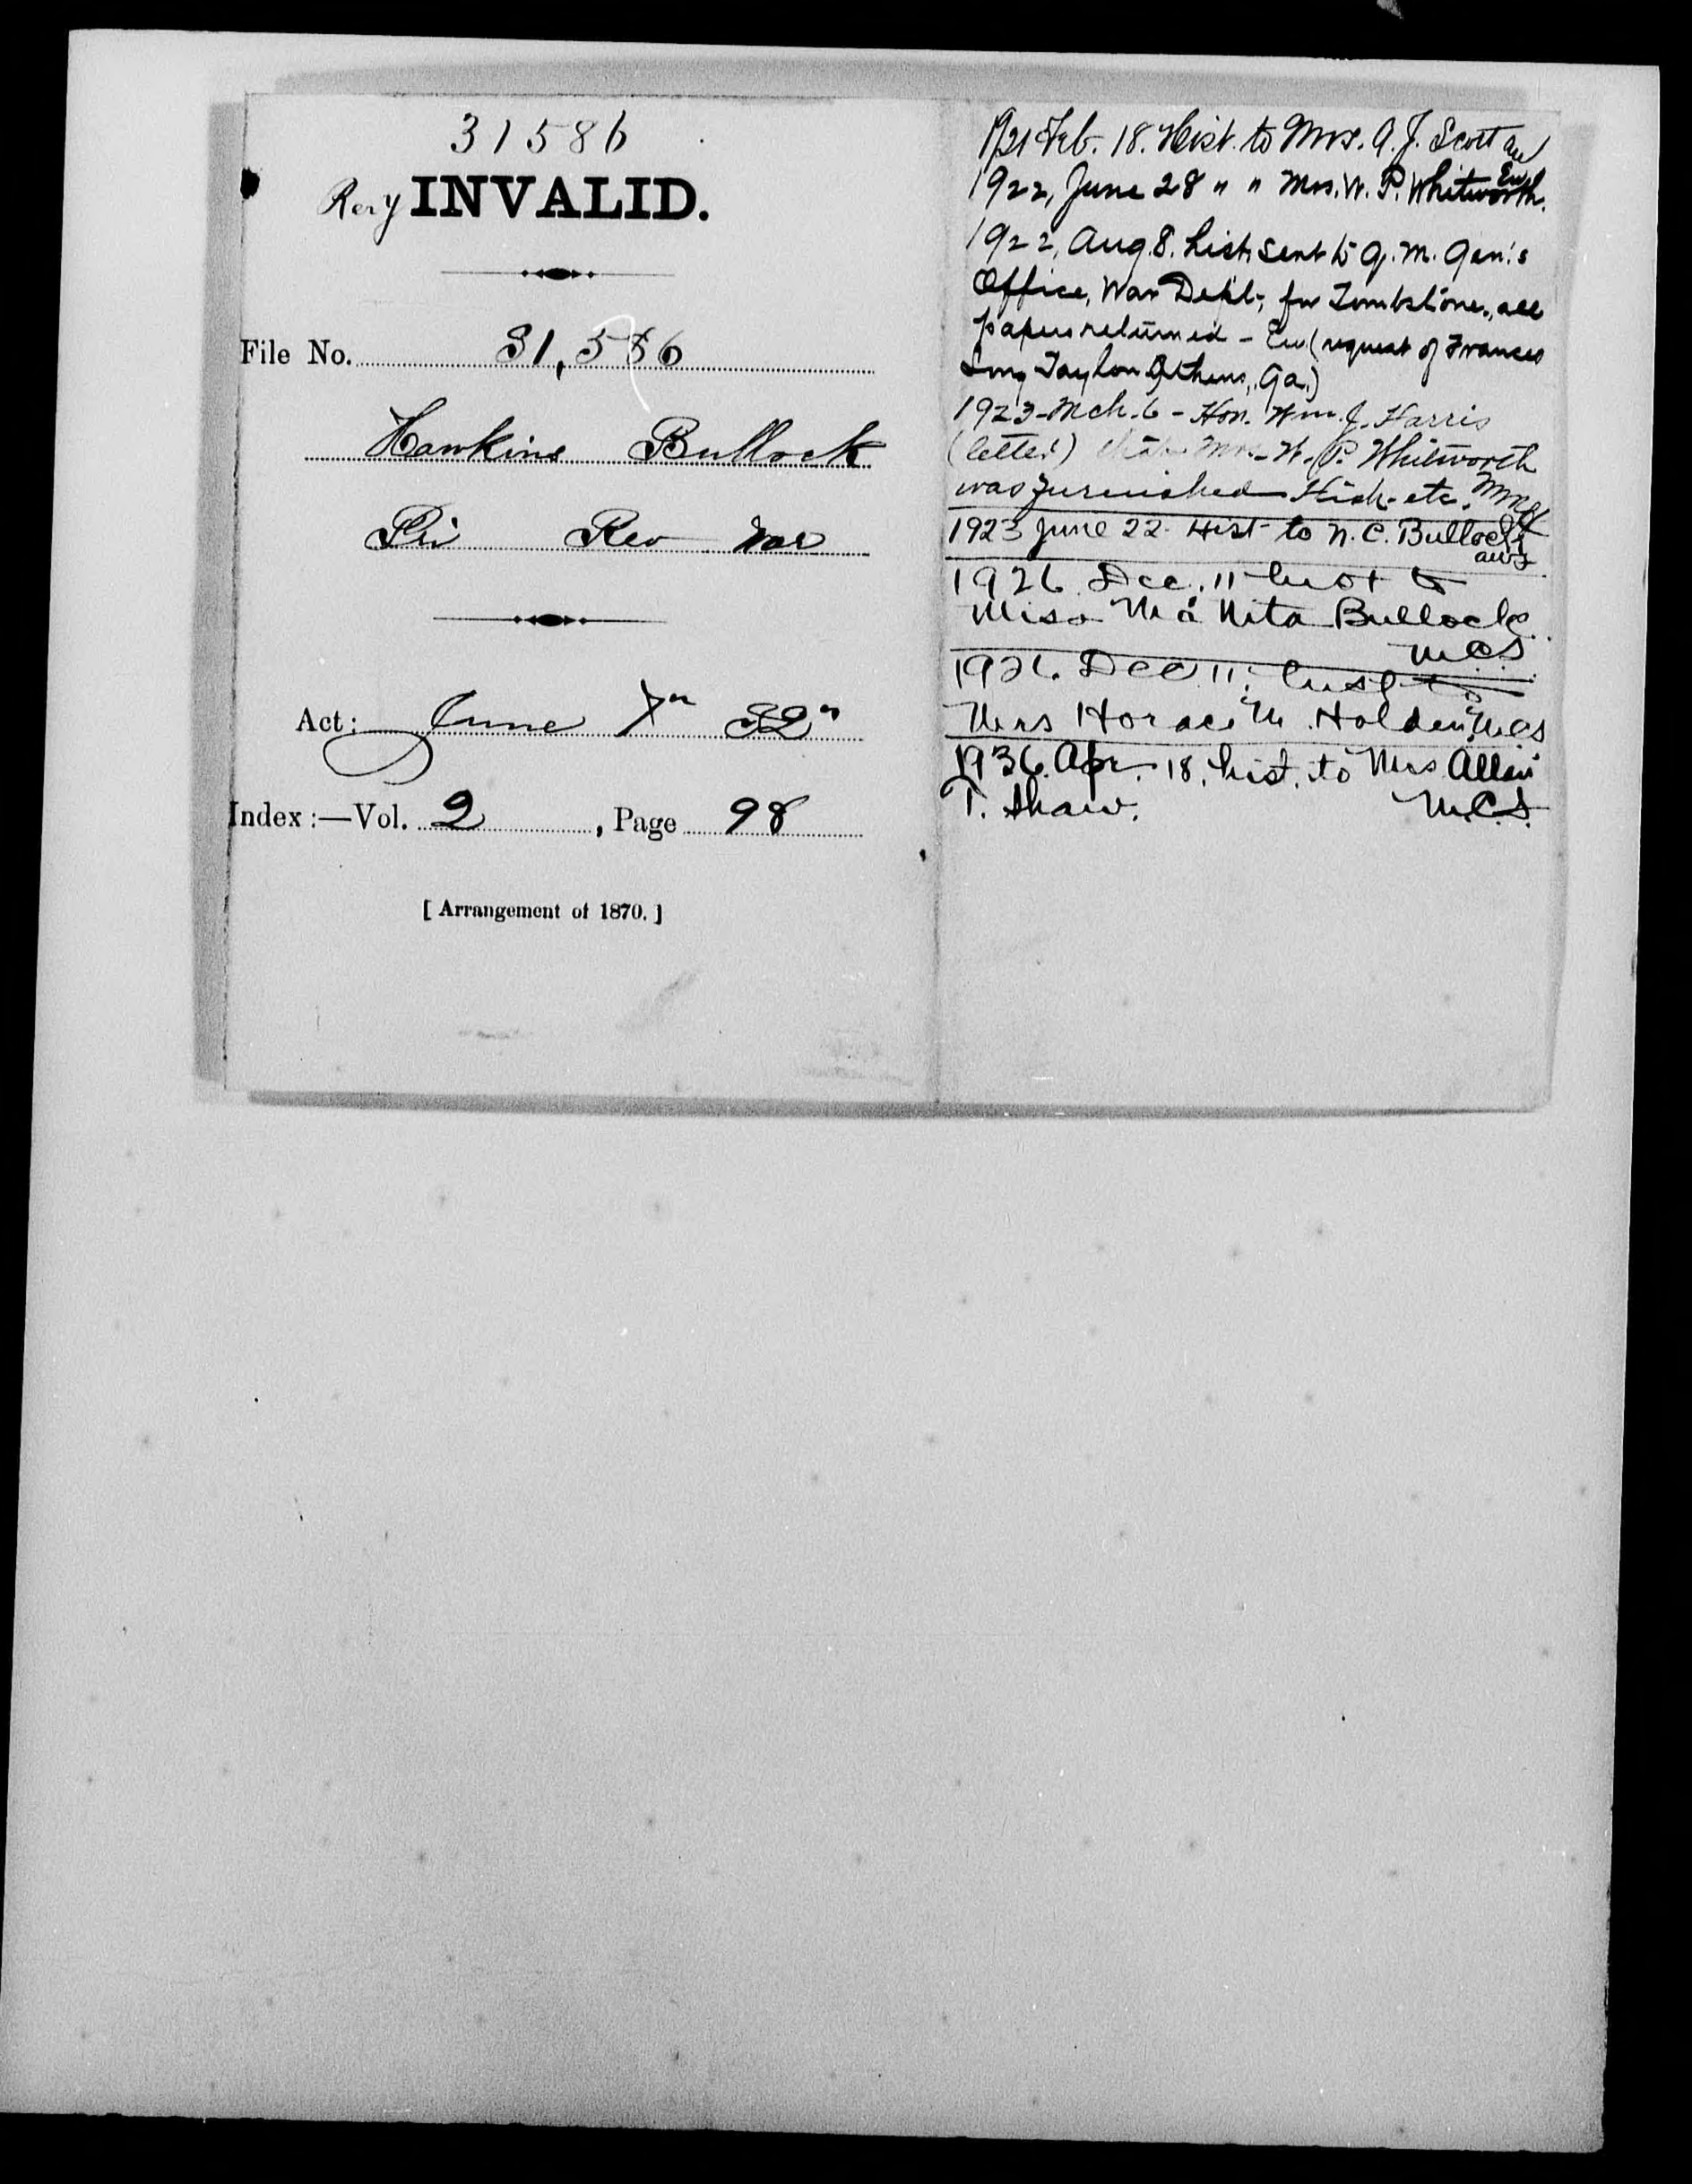[first column]
31586
Revy INVALID.
File No. 31,586
Hawkins Bullock
Pri Rev War
Act: June 7" 32"
Index:-Vol. 2, Page 98
[Arrangement of 1870.]

[second column]
1921 Feb. 18. Hist. to Mrs. A. J. Scott AW
1922, June 28 " " Mrs. W. P. Whitworth. EW
1922, Aug. 8. hist. sent to G. M. Gen.'s Office, War Dept. for Tombstone, all
papers returned - EW (request of Frances Long Taylor, Athens, Ga.)
1923 - Mch. 6 - Hon. Wm. J. Harris (letter) that Mrs. W. P. Whitworth was furnished Hist. etc. MMRH
---
1923 June 22. Hist to N.C. Bullock AWF
---
1926 Dec. 11 hist to Miss MaNita Bullock MCS
---
1926 Dec 11 hist to Mrs Horace M. Holden MCS
---
1936 Apr. 18, hist. to Mrs Allan T. Shaw MCS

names: W P Whitworth, N C Bullock, Hawkins Bullock, Ma Nita Bullock, W P Whitworth, Allen T Shaw, Wm J Harris, Horace M Holden, A J Scott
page: 12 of 24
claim: survivor's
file: S. 31,586, Hawkins Bullock, S.C.